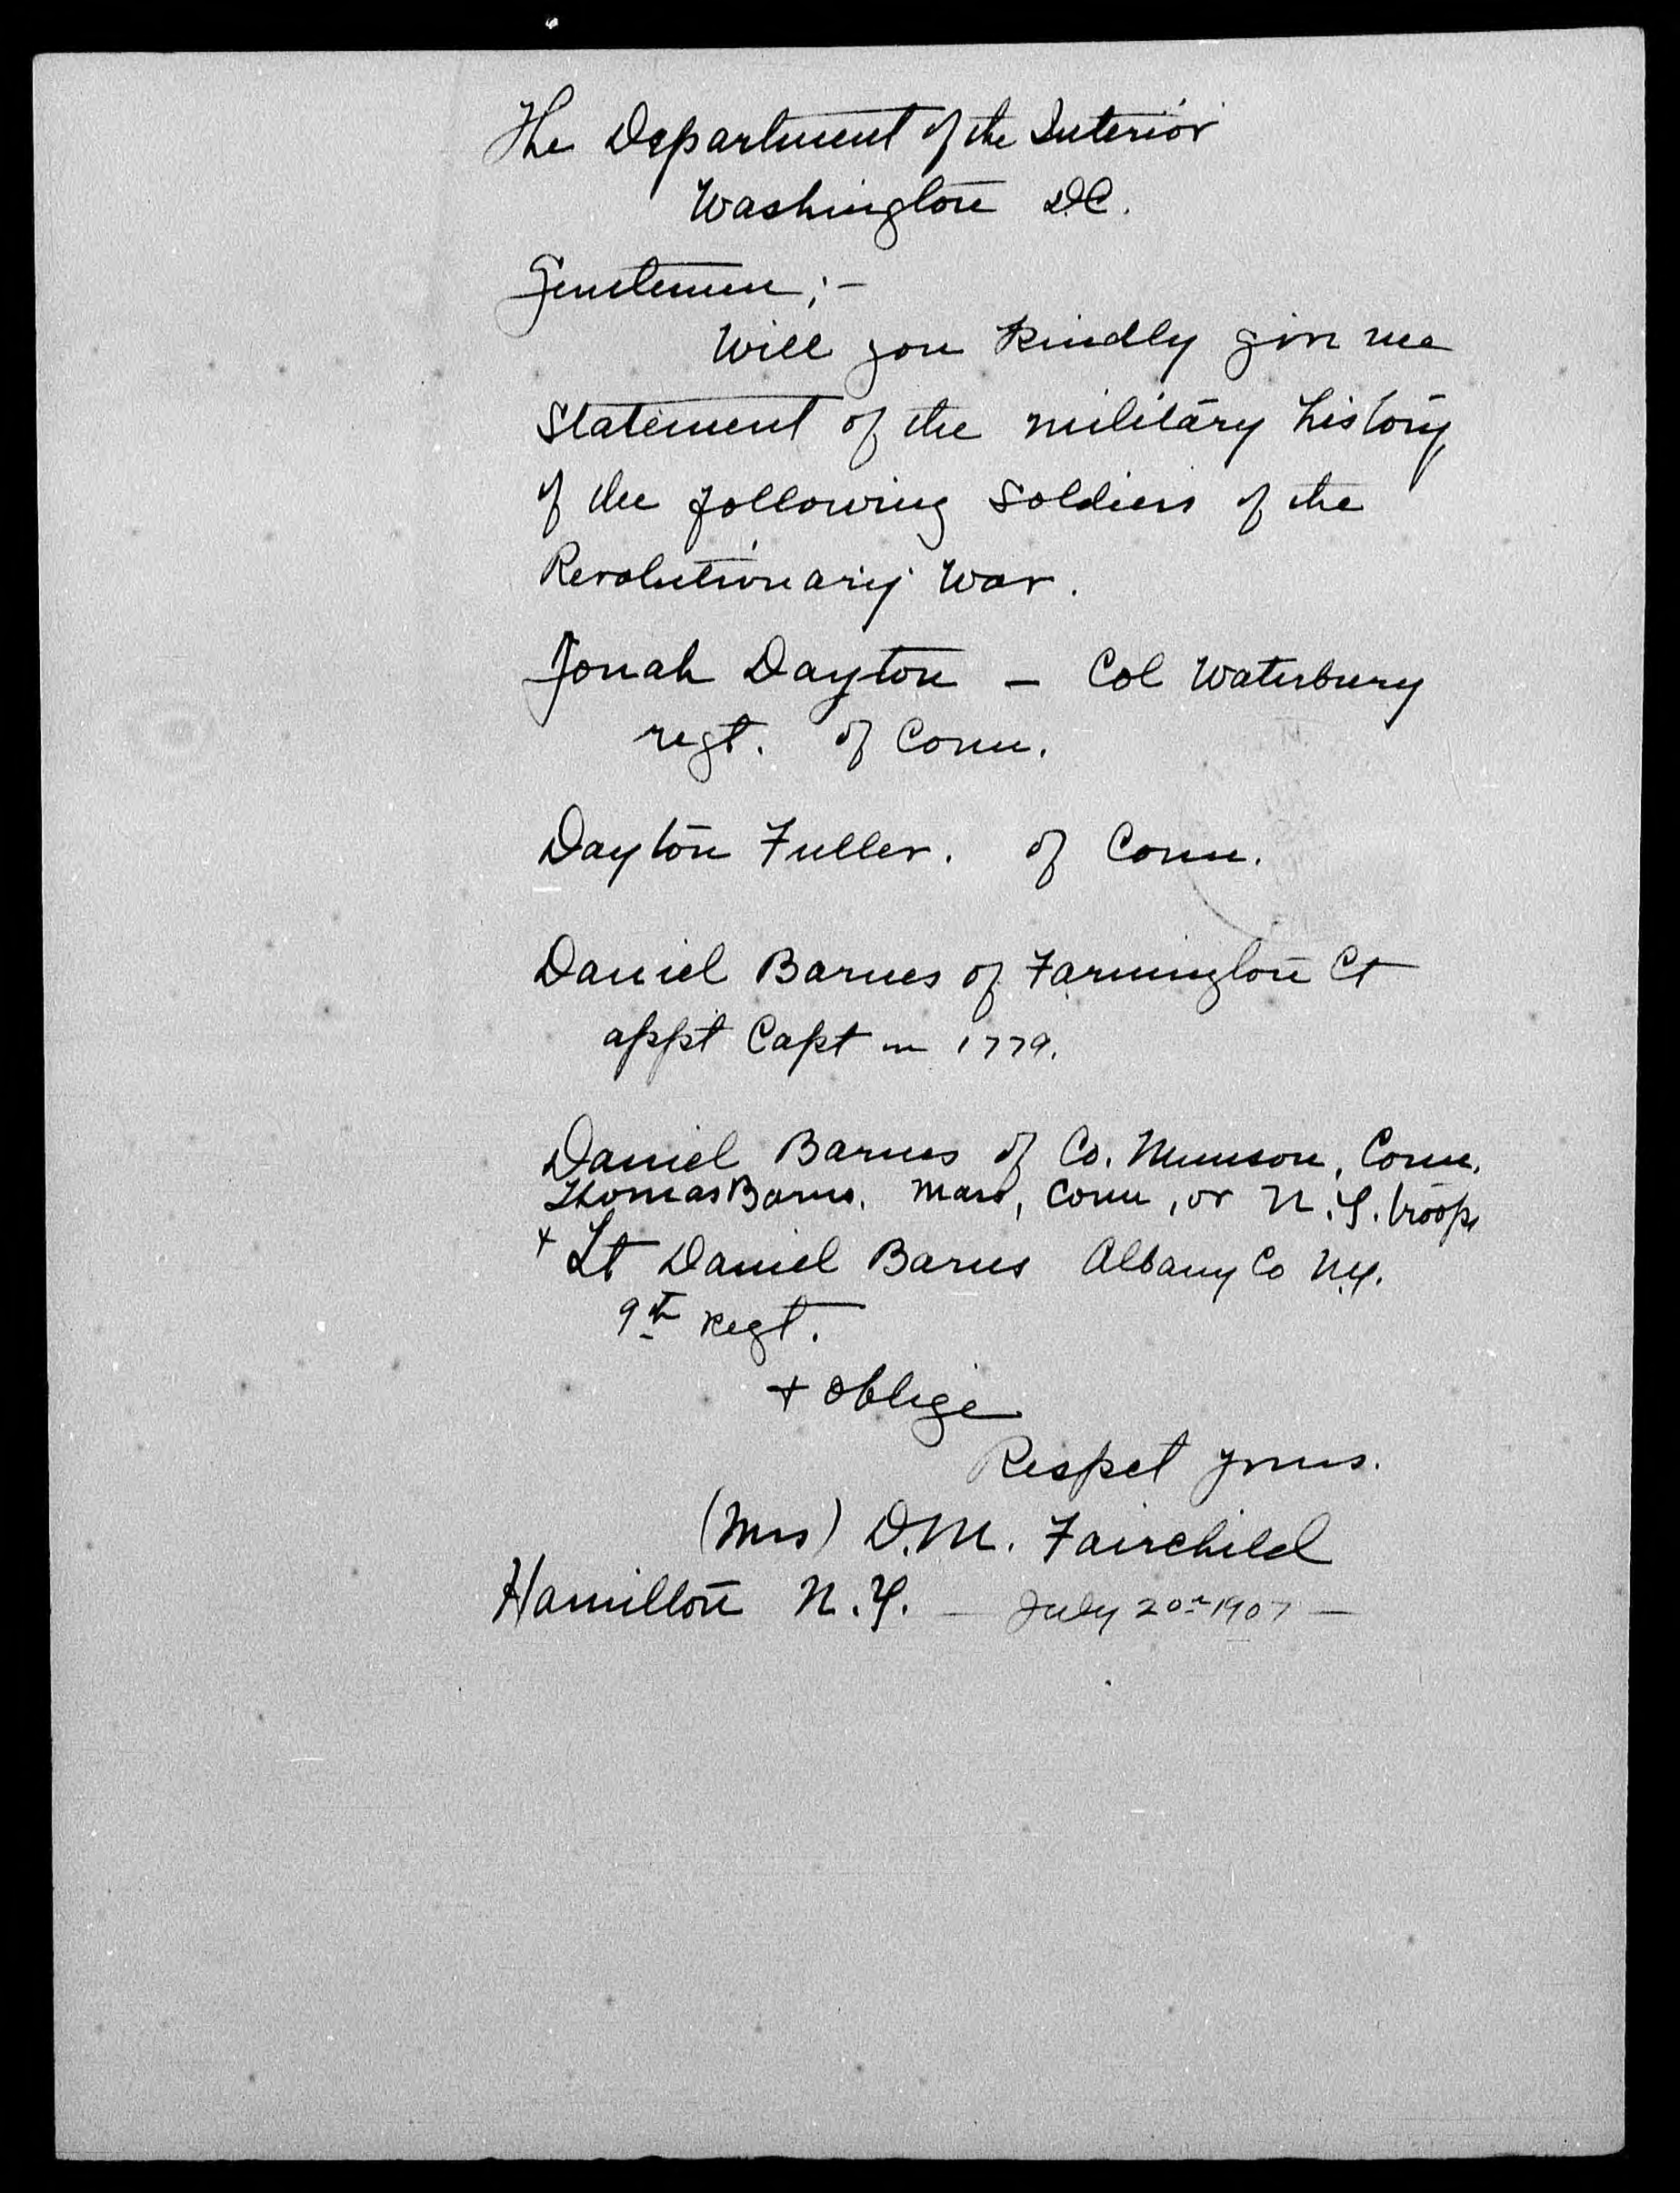The Department of the Interior
Washington D.C.
Gentlemen:-
Will you kindly give me statement of the military history of the following soldiers of the Revolutionary War.
Jonah Dayton - Col Waterbury regt. of Conn.
Dayton Fuller. of Conn.
Daniel Barnes of Farmington Ct appt Capt in 1779.
Daniel Barnes of Co. Munson, Conn.
Thomas Barns, Mass, Conn, or N.Y. troop
& Lt Daniel Barns Albany Co N.Y. 9th Regt.
& oblige
Respct yours.
(Mrs) D. M. Fairchild
Hamilton N.Y. July 20th 1907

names: Josiah Dayton, Daniel Barnes, Daniel Barnes, D M Fairchild, Daniel Barns, Dayton Fuller, Thomas Barns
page: 14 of 15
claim: survivor's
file: S. 29,166, Dayton Fuller, Conn.